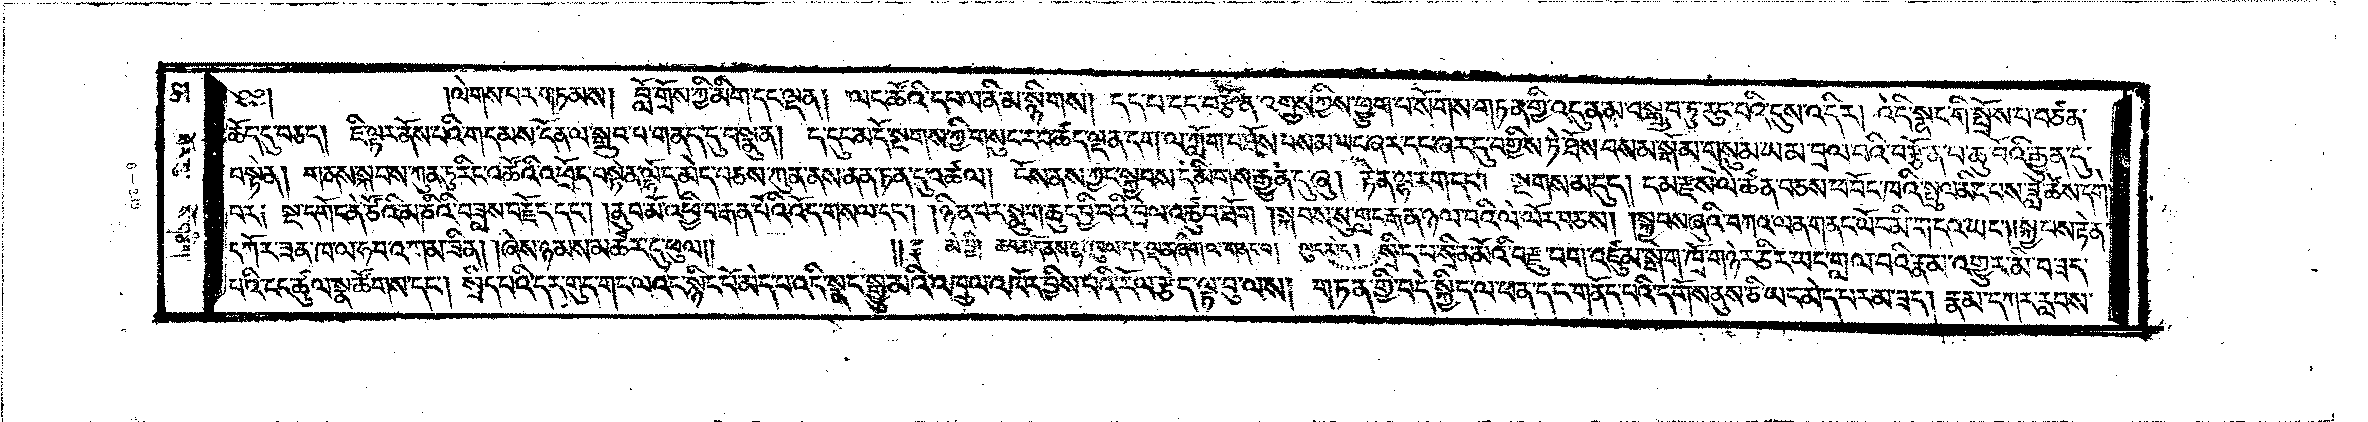༄༅། །ལེགས་པར་གཏམས། བློ་གྲོས་ཀྱི་མིག་དང་ལྡན། ལང་ཚོའི་དཔལ་ནི་མ་སྙིགས། དད་པ་དང་བརྩོན་འགྲུས་ཀྱིས་ཕྱུག་པ་སོགས་གཏན་གྱི་འདུན་མ་བསྒྲུབ་ཏུ་རུང་བའི་དུས་འདིར། འདི་སྣང་གི་སྤྲོས་པ་བཙན་
ཆོས་དུ་བཅད། ཇི་ལྟར་ནོས་བའི་གདམས་དོན་ལ་སྒྲུབ་བ་གནད་དུ་བསྣུན། ད་དུང་མདོ་སྔགས་ཀྱི་གསུང་རབ་ཚད་ལྡན་དག་ལ་ཀློག་པ་ཐོས་པས་མ་ཡང་ཞར་དང་ཞར་དུ་བགྱིས་ཏེ་ཐོས་བསམ་སྒོམ་གསུམ་ཡ་མ་བྲལ་བའི་བརྩོན་པ་ཆུ་བོའི་རྒྱུན་དུ་
བསྟེན། གནས་སྐབས་ཀུན་ཏུ་རིང་འཚོའི་འཕྲོད་བསྟེན་ལྷོད་མེད་བཅས་ཀུན་ནས་ནན་ཏན་དུ་འཚལ། ངོས་ནས་ཀྱང་སྐྱབས་དམིགས་རྒྱུན་དུ་ཞུ། རྟེན་ལྷ་རེག་དང་། སྔགས་མདུད། དམ་རྫས་ལེ་ཚན་བཅས་ཕ་བོང་ཁའི་སྤྲུལ་མིང་པས་ཟླ་ཚེས་དགེ་
བར༑ སྔ་དགོང་ནེ་ཙོའི་མཎིའི་བཟླས་བརྗོད་དང་། །ནུབ་མོ་འཕྱི་བ་རྒན་པོའི་འོད་གསལ་དང་། །ཉིན་པར་སྨུག་ཆུང་བྱི་བའི་བྲེལ་འཚུབ་ཐོབ་།སྐབས་སུ་གླང་རྒན་ཉལ་བའི་ལེ་ལོར་བཅས། །སྐྱབས་ཞུའི་བཀའ་ལན་གནང་ལོང་མི་གདའ་ཡང་། །སྐྱབས་རྟེན་
དཀོར་ཟན་ཁ་ལ་ཐབ་འགམ་ཟིན། །ཞེས་ཉམས་མཚར་དུ་ཕུལ།། །།༈ མེ་བྱི། ཆབ་མདོ་ནས་ལྷོ་ཁུལ་དད་ལྡན་ཞིག་གནང་བ།  སྲིད་པས་རིན་མོའི་བརྫུ་བག་འཛུམ་སྒེག་ཁྲོ་གཉེར་ཅིར་ཡང་གླང་བའི་རྣམ་འགྱུར་མི་བཟད་ལུང་མེད།
པའི་ངང་ཚུལ་སྣ་ཚོགས་དང་། སྲིད་པའི་དར་གུད་གང་ལའང་སྙིང་པོ་མེད་པ་འདི་སྣང་སྒྱུ་མའི་འཁྲུལ་འཁོར་བྱིས་པའི་རོལ་རྩེད་ལྟ་བུ་ལས། གཏན་གྱི་བདེ་སྐྱིད་ལ་ཕན་དང་གནོད་པའི་དགོས་ནུས་ཅི་ཡང་མེད་པར་མ་ཟད། རྣམ་དཀར་རླབས་